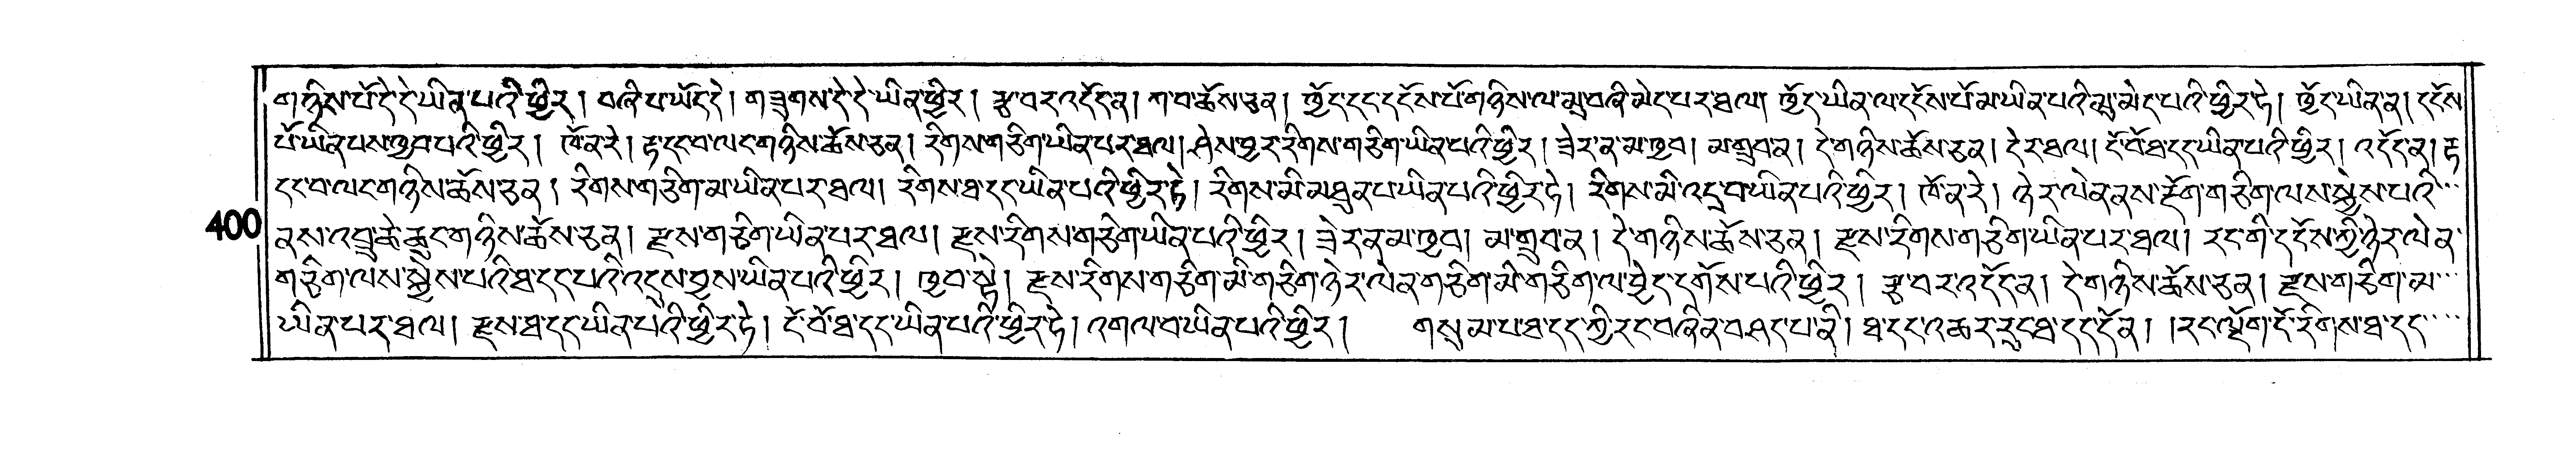གཉིས་པོ་དེ་དེ་དེ་ཡིན་པའི་ཕྱིར། བཞི་པ་ཡོད་དེ། གཟུགས་དེ་དེ་ཡིན་ཕྱིར། རྩ་བར་འདོད་ན། ཀ་བ་ཆོས་ཅན། ཁྱོད་དང་དངོས་པོ་གཉིས་ལ་མུ་བཞི་མེད་པར་ཐལ། ཁྱོད་ཡིན་ལ་དངོས་པོ་མ་ཡིན་པའི་མུ་མེད་པའི་ཕྱིར་ཏེ། ཁྱོད་ཡིན་ན། དངོས་
པོ་ཡིན་པས་ཁྱབ་པའི་ཕྱིར། ཁོ་ན་རེ། རྟ་དང་བ་ལང་གཉིས་ཆོས་ཅན། རིགས་གཅིག་ཡིན་པར་ཐལ། ཤེས་བྱར་རིགས་གཅིག་ཡིན་པའི་ཕྱིར། ཟེར་ན་མ་ཁྱབ། མ་གྲུབ་ན། དེ་གཉིས་ཆོས་ཅན། དེར་ཐལ། ངོ་བོ་ཐ་དད་ཡིན་པའི་ཕྱིར། འདོད་ན། རྟ་
དང་བ་ལང་གཉིས་ཆོས་ཅན། རིགས་གཅིག་མ་ཡིན་པར་ཐལ། རིགས་ཐ་དད་ཡིན་པའི་ཕྱིར་ཏེ། རིགས་མི་མཐུན་པ་ཡིན་པའི་ཕྱིར་ཏེ། རིགས་མི་འདྲ་བ་ཡིན་པའི་ཕྱིར། ཁོ་ན་རེ། ཉེར་ལེན་ནས་རྡོག་གཅིག་ལས་སྐྱེས་པའི་
ནས་འབྲུ་ཆེ་ཆུང་གཉིས་ཆོས་ཅན། རྫས་གཅིག་ཡིན་པར་ཐལ། རྫས་རིགས་གཅིག་ཡིན་པའི་ཕྱིར། ཟེར་ནམ་ཁྱབ། མ་གྲུབ་ན། དེ་གཉིས་ཆོས་ཅན། རྫས་རིགས་གཅིག་ཡིན་པར་ཐལ། རང་གི་དངོས་ཀྱི་ཉེར་ལེན་
གཅིག་ལས་སྐྱེས་པའི་ཐ་དད་པའི་འདུས་བྱས་ཡིན་པའི་ཕྱིར། ཁྱབ་སྟེ། རྫས་རིགས་གཅིག་མི་གཅིག་ཉེར་ལེན་གཅིག་མི་གཅིག་ལ་བྱེད་དགོས་པའི་ཕྱིར། རྩ་བ་འདོད་ན། དེ་གཉིས་ཆོས་ཅན། རྫས་གཅིག་མ་
ཡིན་པར་ཐལ། རྫས་ཐ་དད་ཡིན་པའི་ཕྱིར་ཏེ། ངོ་བོ་ཐ་དད་ཡིན་པའི་ཕྱིར་ཏེ། འགའ་བ་ཡིན་པའི་ཕྱིར། གསུམ་པ་ཐ་དད་ཁྱི་རང་བཞིན་བཤད་པ་ནི། ཐ་དང་འཆར་རུང་ཐ་དད་དོན། །རང་དོག་ངོ་རིགས་ཐ་དད་